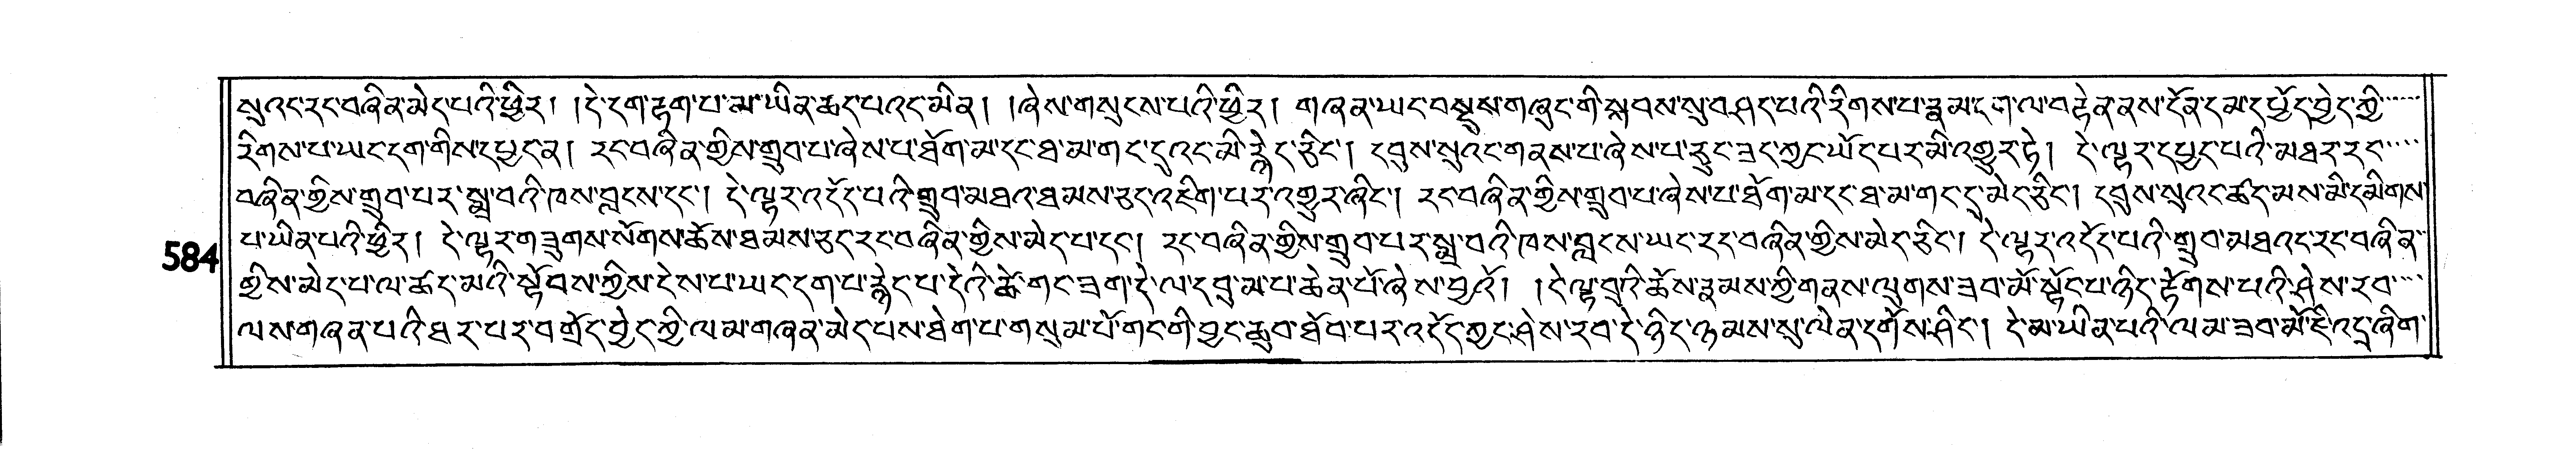སུའང་རང་བཞིན་མེད་པའི་ཕྱིར། །དེ་དག་རྟག་པ་མ་ཡིན་ཆད་པའང་མིན། །ཞེས་གསུངས་པའི་ཕྱིར། གཞན་ཡང་བསྡུས་གཞུང་གི་སྐབས་སུ་བཤད་པའི་རིགས་པ་རྣམ་དག་ལ་བརྟེན་ནས་དོན་དམ་དཔྱོད་བྱེད་ཀྱི་
རིགས་པ་ཡང་དག་གིས་དཔྱད་ན། རང་བཞིན་གྱིས་གྲུབ་པ་ཞེས་པ་ཐོག་མ་དང་ཐ་མ་གང་དུའང་མི་རྙེད་ཅིང་། དབུས་སུའང་གནས་པ་ཞེས་པ་ཅུང་ཟད་ཀྱང་ཡོད་པར་མི་འགྱུར་ཏེ། དེ་ལྟར་དཔྱད་པའི་མཐར་རང་
བཞིན་གྱིས་གྲུབ་པར་སྨྲ་བའི་ཁས་བླངས་དང་། དེ་ལྟར་འདོད་པའི་གྲུབ་མཐའ་ཐམས་ཅད་འཇིག་པར་འགྱུར་ཞིང་། རང་བཞིན་གྱིས་གྲུབ་པ་ཞེས་པ་ཐོག་མ་དང་ཐ་མ་གང་དུ་མེད་ཅིང་། དབུས་སུའང་ཚད་མས་མི་དམིགས་
པ་ཡིན་པའི་ཕྱིར། དེ་ལྟར་གཟུགས་སོགས་ཆོས་ཐམས་ཅད་རང་བཞིན་གྱིས་མེད་པ་དང་། རང་བཞིན་གྱིས་གྲུབ་པར་སྨྲ་བའི་ཁས་བླངས་ཡང་རང་བཞིན་གྱིས་མེད་ཅིང་། དེ་ལྟར་འདོད་པའི་གྲུབ་མཐའ་རང་བཞིན་
གྱིས་མེད་པ་ལ་ཚད་མའི་སྟོབས་ཀྱིས་ངེས་པ་ཡང་དག་པ་རྙེད་པ་དེའི་ཚེ་གང་ཟག་དེ་ལ་དབུ་མ་པ་ཆེན་པོ་ཞེས་བྱའོ། །དེ་ལྟ་བུའི་ཆོས་རྣམས་ཀྱི་གནས་ལུགས་ཟབ་མོ་སྟོང་པ་ཉིད་རྟོགས་པའི་ཤེས་རབ་
ལས་གཞན་པའི་ཐར་པར་བགྲོད་བྱེད་ཀྱི་ལམ་གཞན་མེད་པས་ཐེག་པ་གསུམ་པོ་གང་གི་བྱང་ཆུབ་ཐོབ་པར་འདོད་ཀྱང་ཤེས་རབ་དེ་ཉིད་ཉམས་སུ་ལེན་དགོས་ཤིང་། དེ་མ་ཡིན་པའི་ལམ་ཟབ་མོ་ཇི་འདྲ་ཞིག་